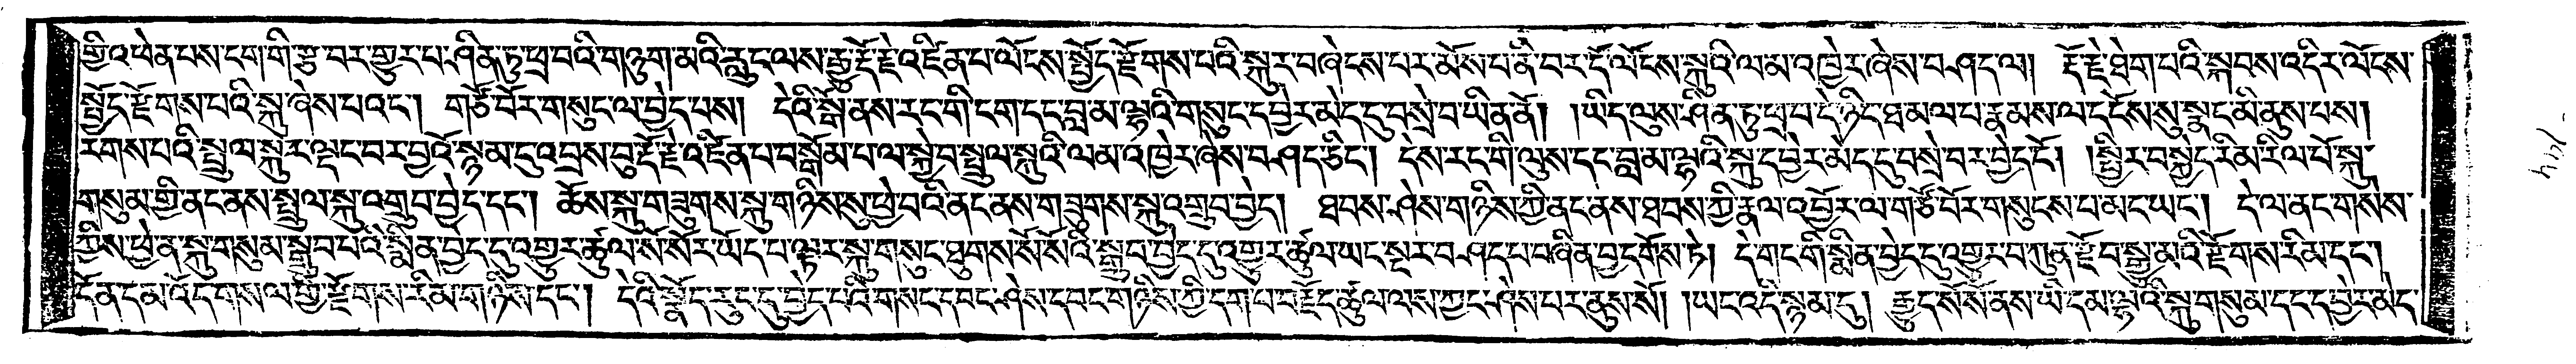?་འབེན་པས?་ངག་གི་རྩ་བར་གྱུར་པ་ཤིན་ཏུ་ཕྲ་བའི་གཉུག་མའི་རླུང་ལས་རྒྱུ་རྡོ་རྗེ་འཛིན་པ་ལོངས་སྤྱོད་རྫོགས་བའི་སྐུར་བཞེངས་པར་མོས་པ་ནི་བར་དོ་ལོངས་སྐུའི་ལམ་འཁྱེར་ཞེས་བཤད་ལ། རྡོ་རྗེ་ཐེག་བའི་སྐབས་འདིར་ལོངས་
སྤྱོད་རྫོགས་པའི་སྐུ་ཞེས་པའང་། གཙོ་བོར་གསུང་ལ་བྱེད་པས། དེའི་སྒོ་ནས་རང་གི་ངག་དང་བླ་མ་ལྷའི་གསུང་དབྱེར་མེད་དུ་བསྲེ་བ་ཡིན་ནོ། ཡིད་ལུས་ཤིན་ཏུ་བྲ་བ་དེ་ཉིད་ཐ་མལ་པ་རྣམས་ལ་དངོས་སུ་སྣང་མི་ནུས་པས།
རིགས?་པའི་སྤྲུལ་སྐུར་ལྡང་པར་བྱའོ་སྙམ་དུ་འབྲས་བུ་རྡོ་རྗེ་འཛིན་པ་བསྒོམ་པ་ལ་སྐྱེ་བ་སྤྲུལ་སྐུའི་ལམ་འཁྱེར་ཞེས་བཤད་ཅིང་། ངེས་རང་གི་ལུས་དང་བླ་མ་ལྷའི་སྐུ་དབྱེར་མེད་དུ་བསྲེ་བར་བྱེད་དོ། །སྤྱིར་བསྐྱེད་རིམ་རིལ་པོ་སྐུ་
གསུམ་གྱི་ནང་ནས་སྤྲུལ་སྐུ་འགྲུབ་བྱེད་དང་། ཆོས་སྐུ་གཟུགས་སྐུ་གཉིས་སུ་བྱེ་བའི་ནང་ནས་གཟུགས་སྐུ་འགྲུབ་བྱེད། ཐབས་ཤེས་གཉིས་ཀྱི་ནང་ནས་ཐབས་ཀྱི་རྣལ་འབྱོར་ལ་གཙོ་བོར་གསུངས་པ་མང་ཡང་། དེ་ལ་ནང་གསེས་
ཀྱིས་ཕྱེ་ན་སྐུ་གསུམ་སྒྲུབ་པའི་སྨིན་བྱོར་དུ་འགྱུར་ཚུལ་སོ་སོར་ཡོད་བ་ལྟར་སྐུ་གསུང་ཐུགས་སོ་སོའི་སྒྲུབ་བྱེད་དུ་འགྱུར་ཚུལ་ཡང་སྔར་བཤད་པ་བཞིན་བྱ་དགོས་ཏེ། དེ་གང་གི་སྨིན་བྱེད་དུ་འགྱུར་པ་ཀུན་རྫོབ་སྒྱུ་མའི་རྫོགས་རིམ་དང་།
དོན་དམ་འོད་གསལ་གྱི་རྫོགས་རིམ་གཉིས་དང་། དེའི་སྣོད་རུང་དུ་བྱེད་བའི་གསང་དབང་ཤེས་དབང་གཉིས་ཀྱི་དག་བརྗོད་ཚུབ་ལས་ཀྱང་ཤེས་པར་ནུས་སོ། །ཡང་འདི་སྙམ་དུ། རྒྱུད་སོ་སོ་ནས་ཡི་དམ་ལྷའི་སྐུ་གསུམ་དང་དབྱེར་མེད་